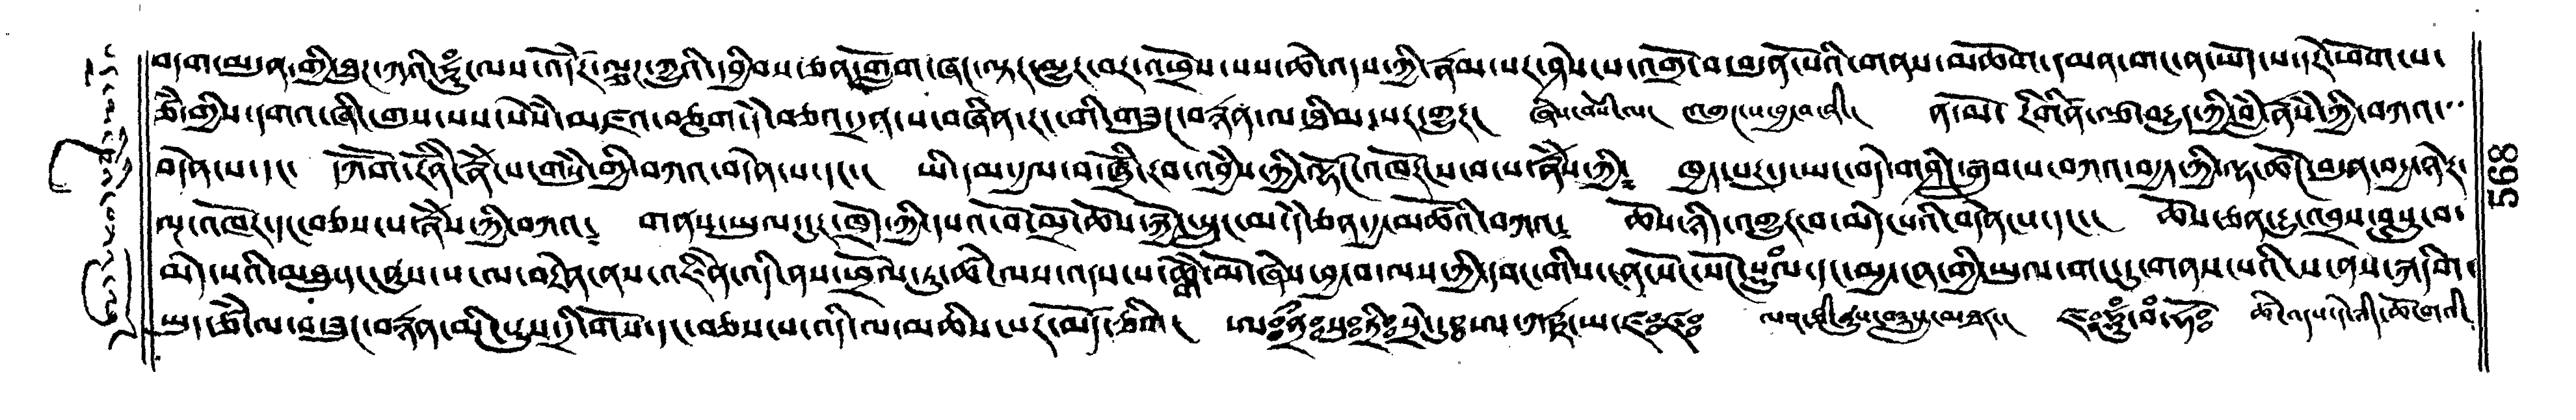བདག་མདུན་གྱི་ཐུགས་ཀའི་ཧཱུྃ་ལས་འོད་ཟེར་ལྕགས་ཀྱུའི་དབྱིབས་ཅན་གློགས་ཞགས་ལྟར་མྱུར་བར་འཕྲོས་པས་ཚེ་འདས་ཀྱི་རྣམ་པར་ཤེས་པ་འགྲོ་བ་བདུན་པོའི་གནས་མཆོག་དམན་གང་ན་ཡོད་པ་དེར་ཕོག་པ་
ཙམ་གྱི་དགའ་ཞིང་གུས་པས་སེམས་འཛའ་བཅུགས་དམ་བཅའ་དྲན་པ་བཞིན་རང་གི་གཟུགས་བརྙན་ལ་ཐིམ་པར་གྱུར། ཞེས་བསམ་ལ། འགུགས་པ་བྱ་བ་ནི། ན་མོ། རིག་འཛིན་རྩ་བརྒྱུད་ཀྱི་བླ་མ་རྣམས་ཀྱི་བཀའ་
བདེན་པ་དང་། དཀོན་མཆོག་རིན་པོ་ཆེ་རྣམ་པ་གསུམ་གྱི་བཀའ་བདེན་པ་དང་། ཡི་དམ་རྒྱལ་བ་ཞི་ཁྲོ་རབ་འབྱམས་ཀྱི་ལྷ་ཚོགས་འཁོར་དང་བཅས་པ་རྣམས་ཀྱི༴ ཁྱད་པར་དུ་ཡང་བདེ་ཤེགས་སྒྲུབ་པ་བཀའ་བརྒྱད་ཀྱི་ལྷ་ཚོགས་བདུན་བརྒྱ་ཉེར་
ལྔ་འཁོར་དང་བཅས་པ་རྣམས་ཀྱི་བཀའ༴ གནས་ཡུལ་དུར་ཁྲོད་དཔའ་བོ་མཁའ་འགྲོ་ཆོས་སྐྱོང་སྲུང་མ་དམ་ཅན་རྒྱ་མཚོའི་བཀའ༴ ཆོས་ཉིད་འགྱུར་བ་མེད་པའི་བདེན་པ་དང་། ཆོས་ཅན་རྒྱུ་འབྲས་བསླུ་བ་
མེད་པའི་མཐུ་དང་ནུས་པ་ལ་བརྟེན་ནས་འཇིག་རྟེན་འདི་ནས་ཕ་རོལ་ཏུ་ཚེ་ལས་འདས་པ་ཆེ་གེ་མོ་ཞེས་བྱ་བ་ལས་ཀྱི་དབང་གིས་ངན་སོང་སོང་སོགས་སྡུག་བསྔལ་དང་མྱ་ངན་གྱི་ཡུལ་གང་དུ་གནས་པའི་ས་ནས་སྐད་ཅིག་
ཡུད་ཙམ་ལ་གཟུགས་བརྙན་མིང་རུས་དྲི་གོས་དང་བཅས་པ་འདི་ལ་མཆིས་པར་མཛོད་ཅིག ཨཿནྲྀ་སུཿཏྲིཿཔྲེཿདུཿཨ་ཀརྵ་ཡ་ཛཿཛཿལན་ཅི་ནུས་བཟླས་མཐར། ཛཿཧཱུྃ་བཾ་ཧོཿ ཚེ་འདས་དེ་ཉིད་ཆོ་གའི་ ༼